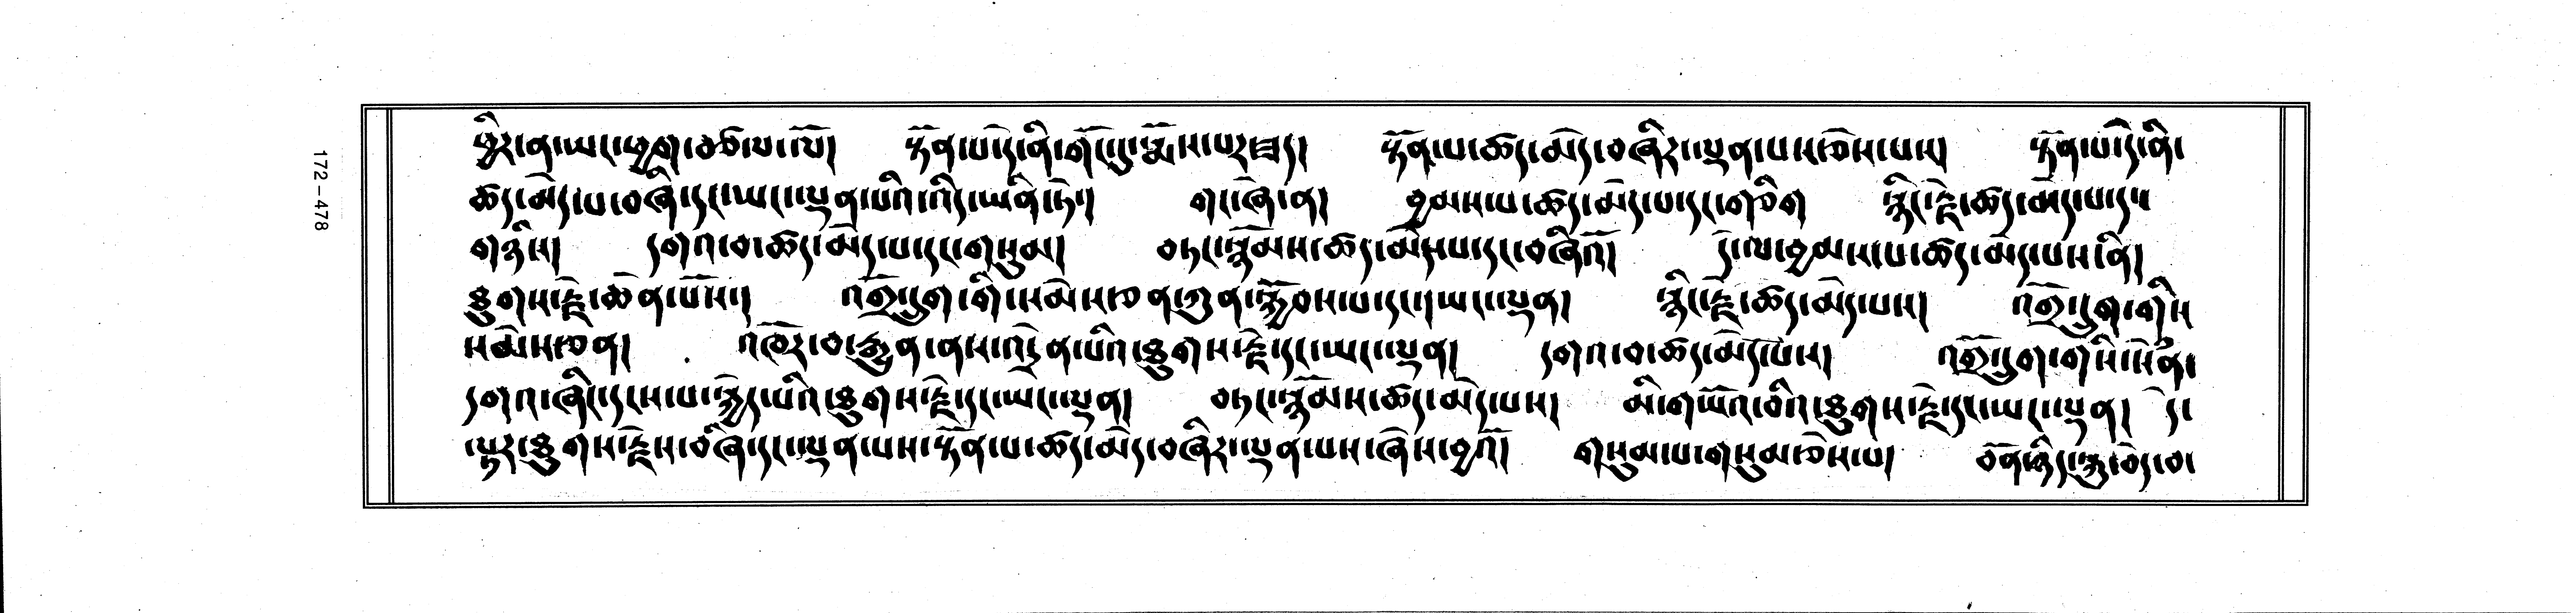ཕྱིར་ན་ཡང་ཕྱག་བཙལ་ལོ། སྟོན་པ་དེ་ནི་གོང་དུ་སྨོས་པར་ཟད། སྟོན་པ་ཚད་མེད་བཞིར་ལྡན་པས་ཅེས་པས། སྟོན་པ་དེ་ནི་
ཚད་མེད་པ་བཞི་དང་ཡང་ལྡན་པའི་འདི་ཡིན་ཏེ། གང་ཞེ་ན། བྱམས་པ་ཚད་མེད་པ་དང་གཅིག སྙིང་རྗེ་ཚད་མེད་པ་དང་
གཉིས། དགའ་བ་ཚད་མེད་པ་དང་གསུམ། བཏང་སྙོམས་ཚད་མེད་པ་བཞིའོ། དེ་ལ་བྱམས་པ་ཚད་མེད་པས་ནི། 
ཐུགས་རྗེ་ཆེན་པོས། འགྲོ་དྲུག་གི་སེམས་ཅན་ཀུན་སྐྱོབས་པ་དང་ཡང་ལྡན། སྙིང་རྗེ་ཚད་མེད་པས། འགྲོ་དྲུག་གིས་
སེམས་ཅན། འཁོར་བ་རྒྱུན་ནས་འདྲེན་པའི་ཐུགས་རྗེ་དང་ཡང་ལྡན། དགའ་བ་ཚད་མེད་པས། འགྲོ་དྲུག་གིས་སེམས་ཅན་
དགའ་ཞིང་དྭངས་པ་སྐྱེད་པའི་ཐུགས་རྗེ་དང་ཡང་ལྡན། བཏང་སྙོམས་ཚད་མེད་པས། མི་གཡོའ་བའི་ཐུགས་རྗེ་དང་ཡང་ལྡན། དེ་
ལྟར་ཐུགས་རྗེས་བཞི་དང་ལྡན་པས་སྟོན་པ་ཚད་མེད་བཞིར་ལྡན་པས་ཞེས་བྱའོ། གསུམ་པ་གསུམ་ཅེས་པ། བོན་ཉིད་སྐུ་བདེ་བ་